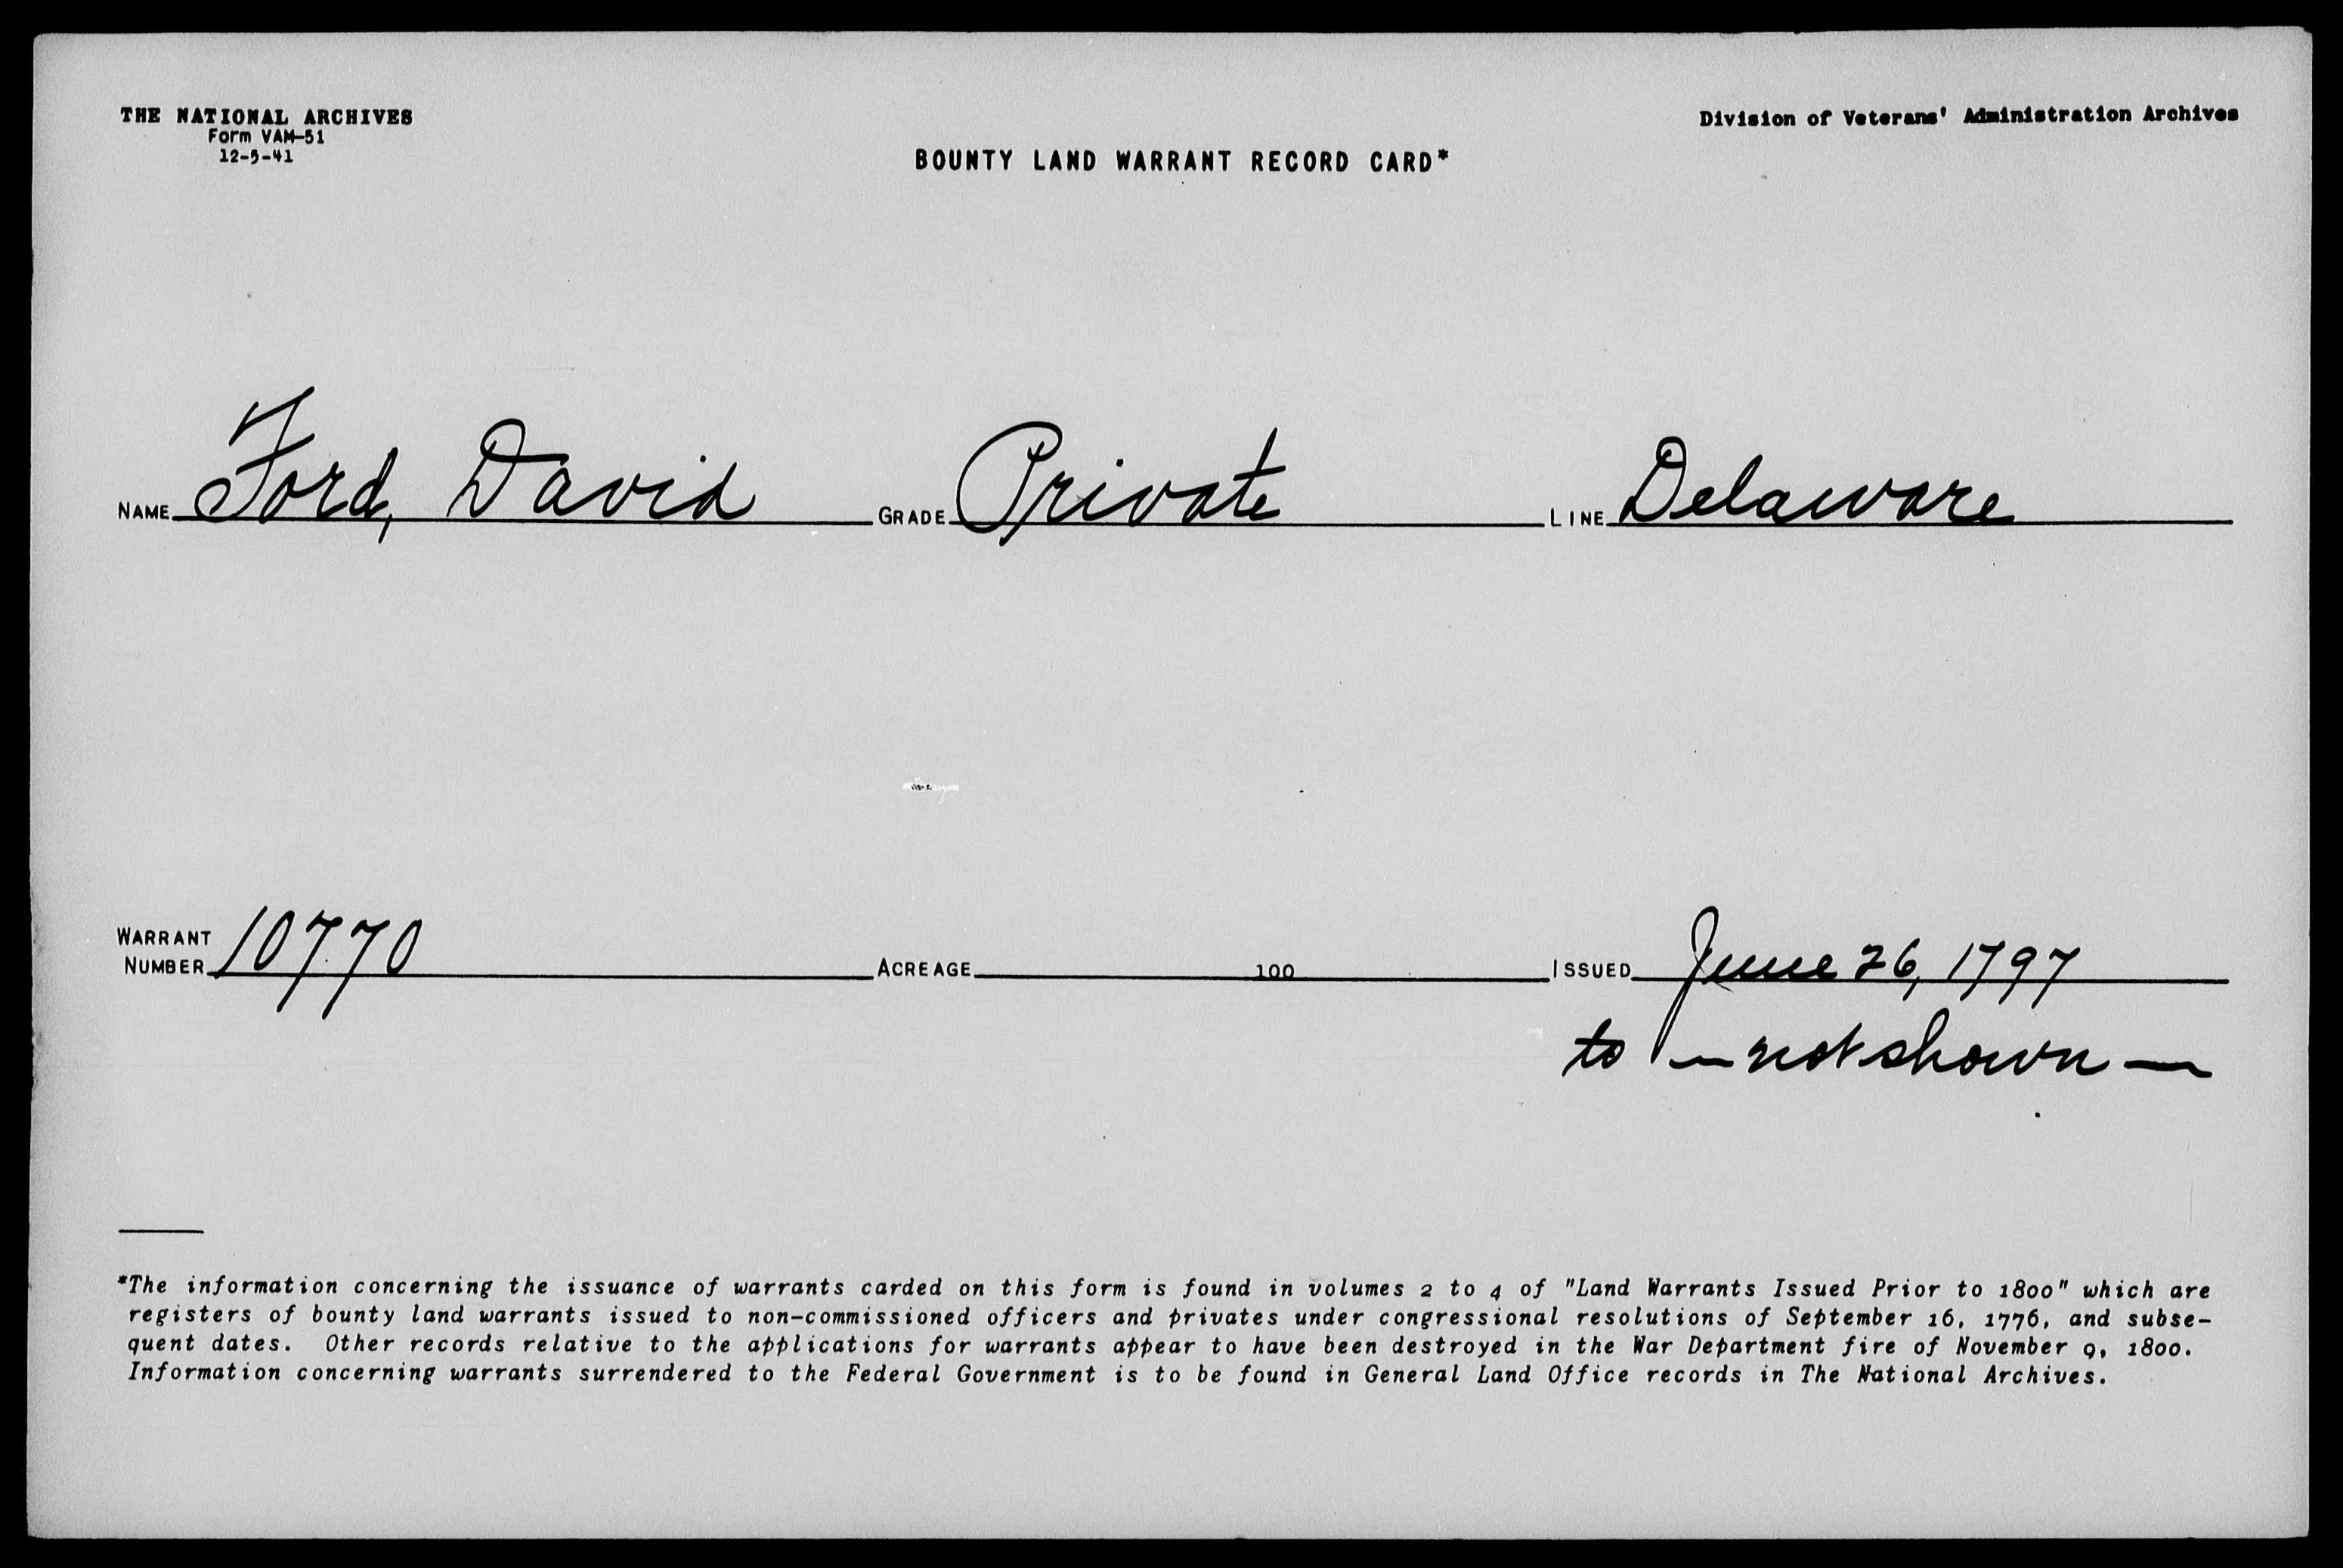THE NATIONAL ARCHIVES                 Division of Veterans' Administration Archives
Form VAM-51
12-5-41

                     BOUNTY LAND WARRANT RECORD CARD"


NAME    Ford, David                   GRADE    Private            LINE   Delaware

WARRANT NUMBER  10770           ACREAGE    100    ISSUED   June 26, 1797
                                                                                         to ~not shown~

__
* The information concerning the issuance of warrants carded on this form is found in volumes 2 to 4 of "Land Warrants Issued Prior to 1800" which are registers of bounty land warrants issued to non-commissioned officers and privates under congressional resolutions of September 16, 1776, and subsequent dates.  Other records relative to the applications for warrants appear to have been destroyed in the War Department fire of November 9, 1800.  Information concerning warrants surrendered to the Federal Government is to be found in General Land Office records in The National Archives.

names: David Ford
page: 11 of 11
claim: survivor's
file: S. 39531, Dabney Ford, Va.